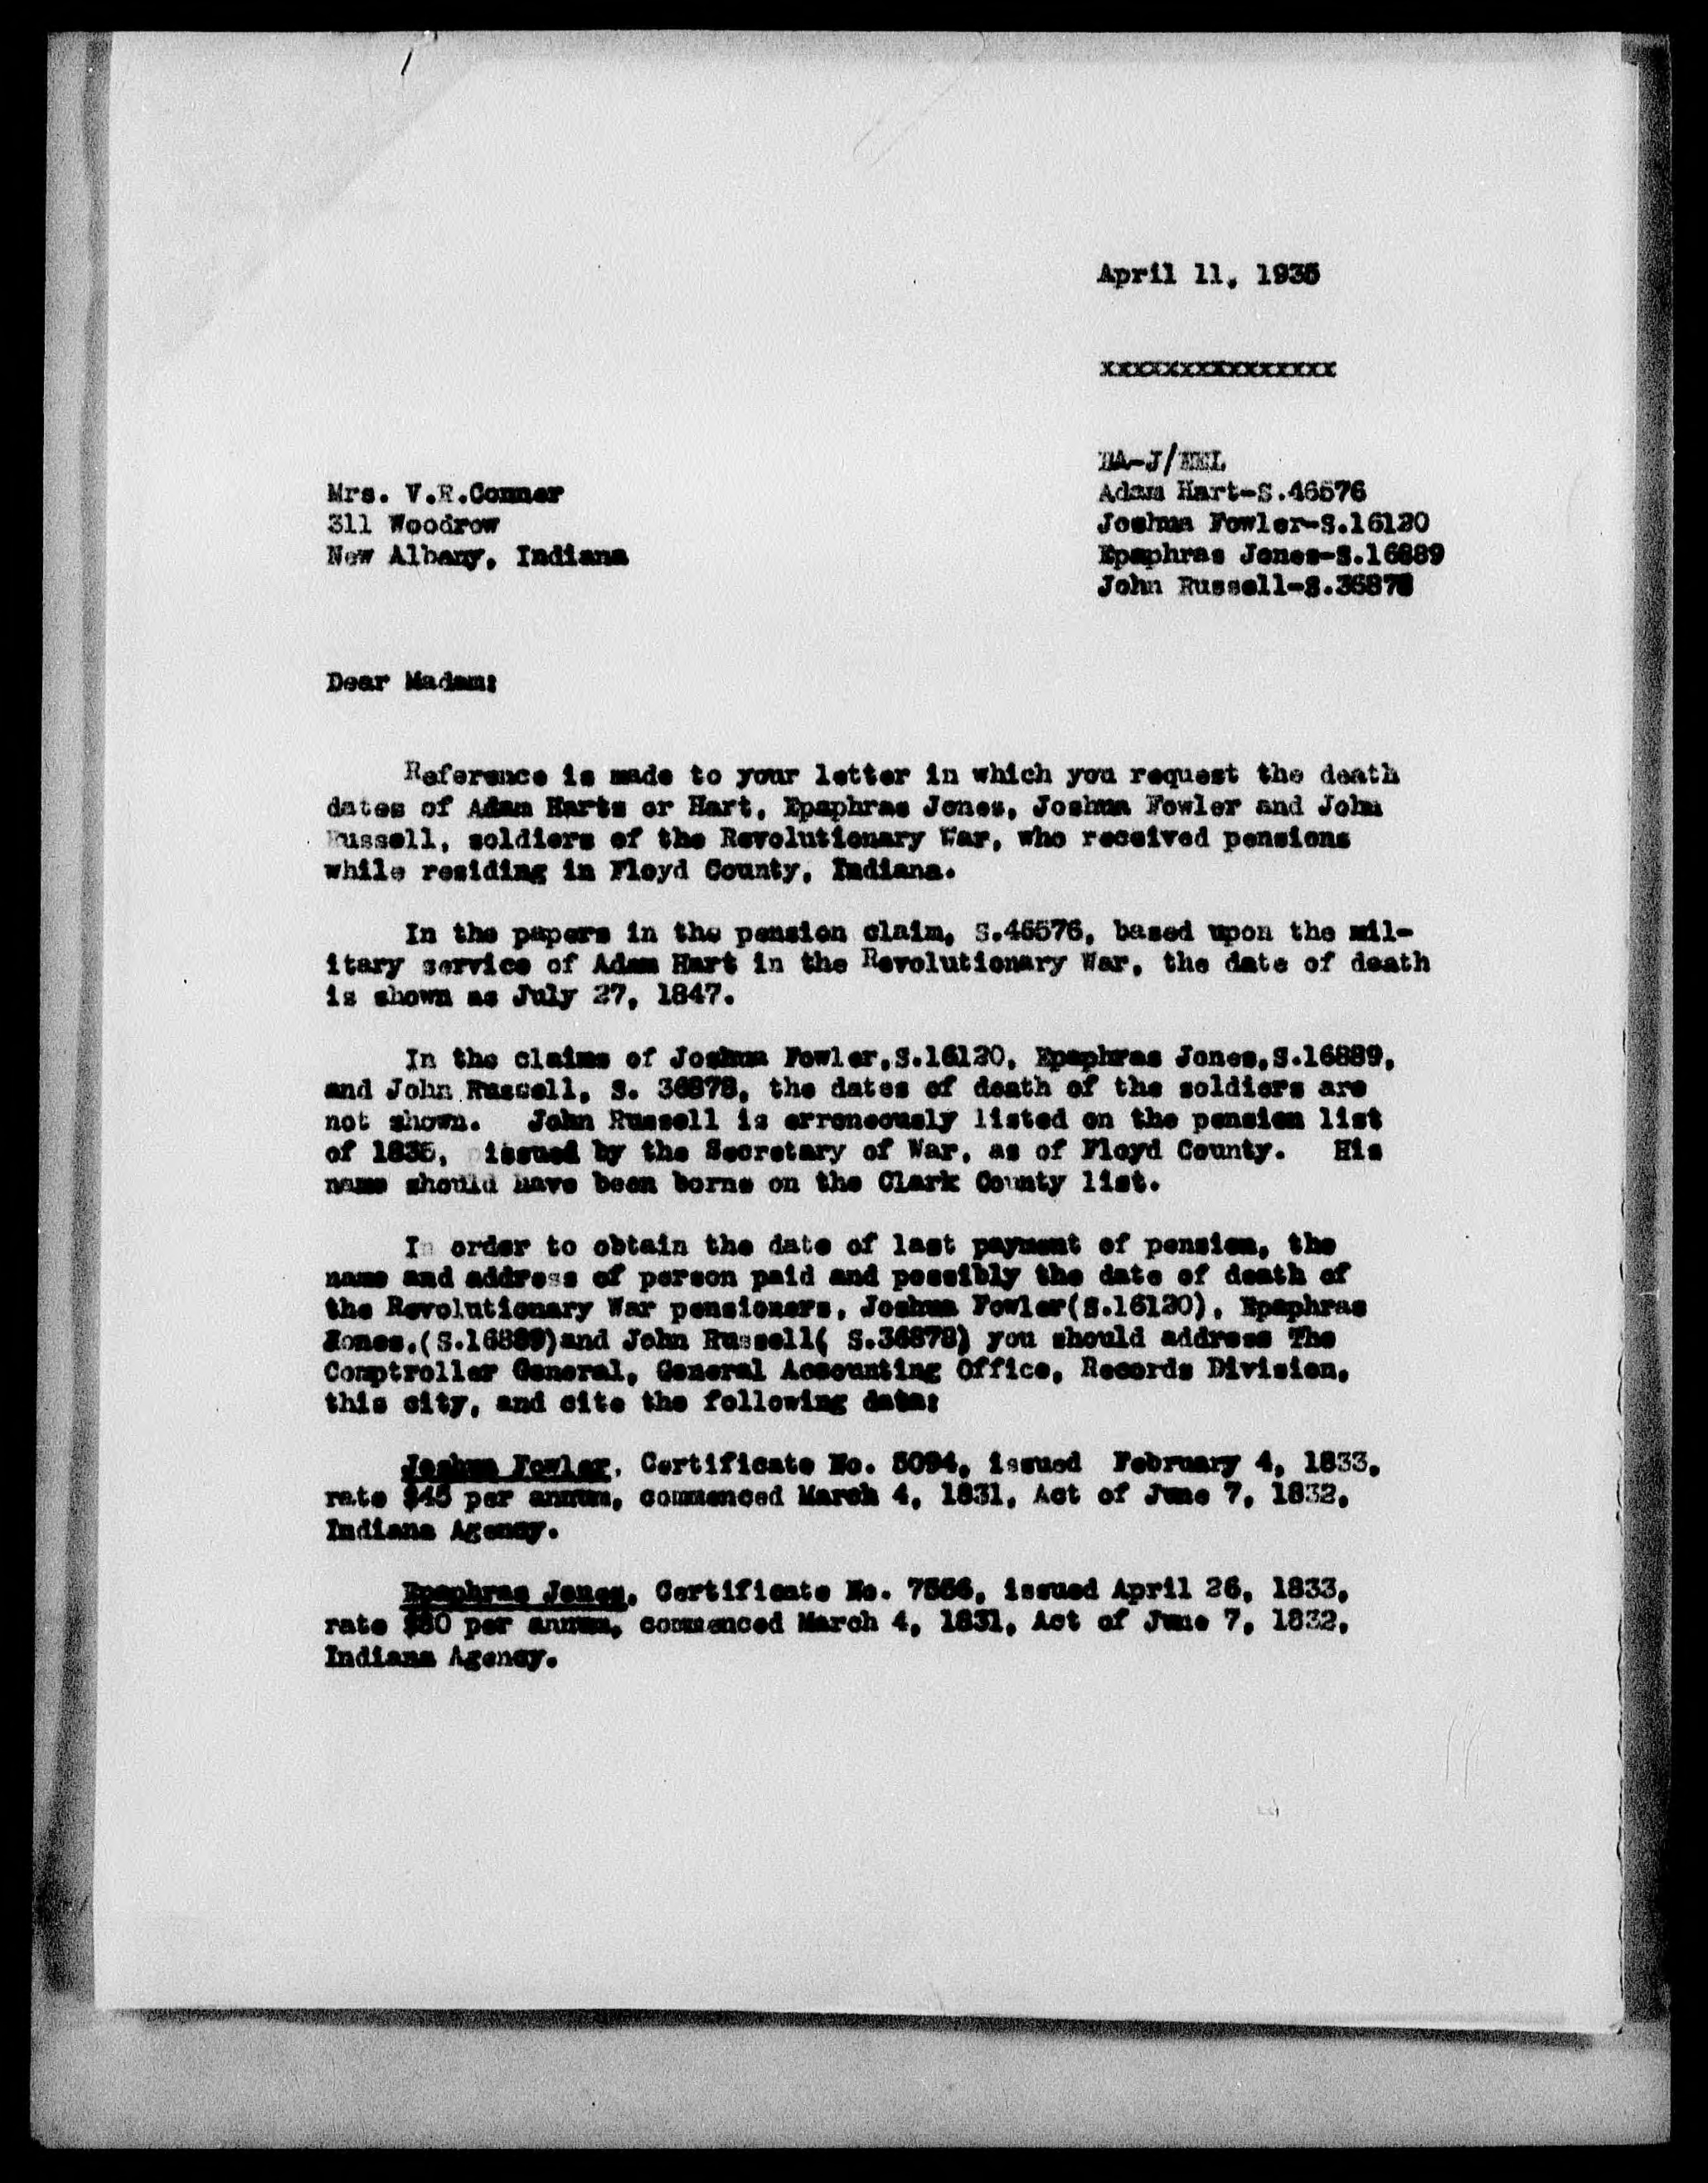BA-J/EEL
Adam Hart - S. 46576
Joshua Fowler - S.16120
Epaphras Jones - S.16889
John Russell - S.36878

Mrs. V. R. Conner
311 Woodrow
New Albany, Indiana

Dear Madam:

     Reference is made to your letter in which you request the death dates of Adam Harts or Hart, Epaphras Jones, Joshua Fowler and John Russell, soldiers of the Revolutionary War, who received pensions while residing in Floyd County, Indiana.

      In claims of Joshua Fowler, S.16120, Epaphras Jones, S.16889 and John Russell,, S.36878, the dates of death of the soldiers are not shown. John Russell is erroneously listed on the pension list of 1835, issued by the Secretary of War, as of Floyd County.  His name should have been borne on the Clark County list.

        In order to obtain the date of last payment of pension, the name and address of person paid and possibly the date of death of the Revolutionary pensioners, Joshua Fowler (S.16120), Epaphras Jones (S.16889) and John Russell (S.36878) you should address the Comptroller General, General Accounting Office, Records Division, this city, and cite the following data:

       Joshua Fowler, Certificate No. 5094, issued February 4, 1833, rate $45 per annum, commenced March 4, 1831, Act of June 7, 1832, Indiana Agency.

        Epaphras Jones, Certificate No. 7556, issued April 26, 1833, rate $60 per annum, commenced March 4, 1831, Act of June 7, 1832, Indiana Agency.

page: 9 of 17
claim: survivor's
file: S. 16889, for Epaphras Jones, Connecticut